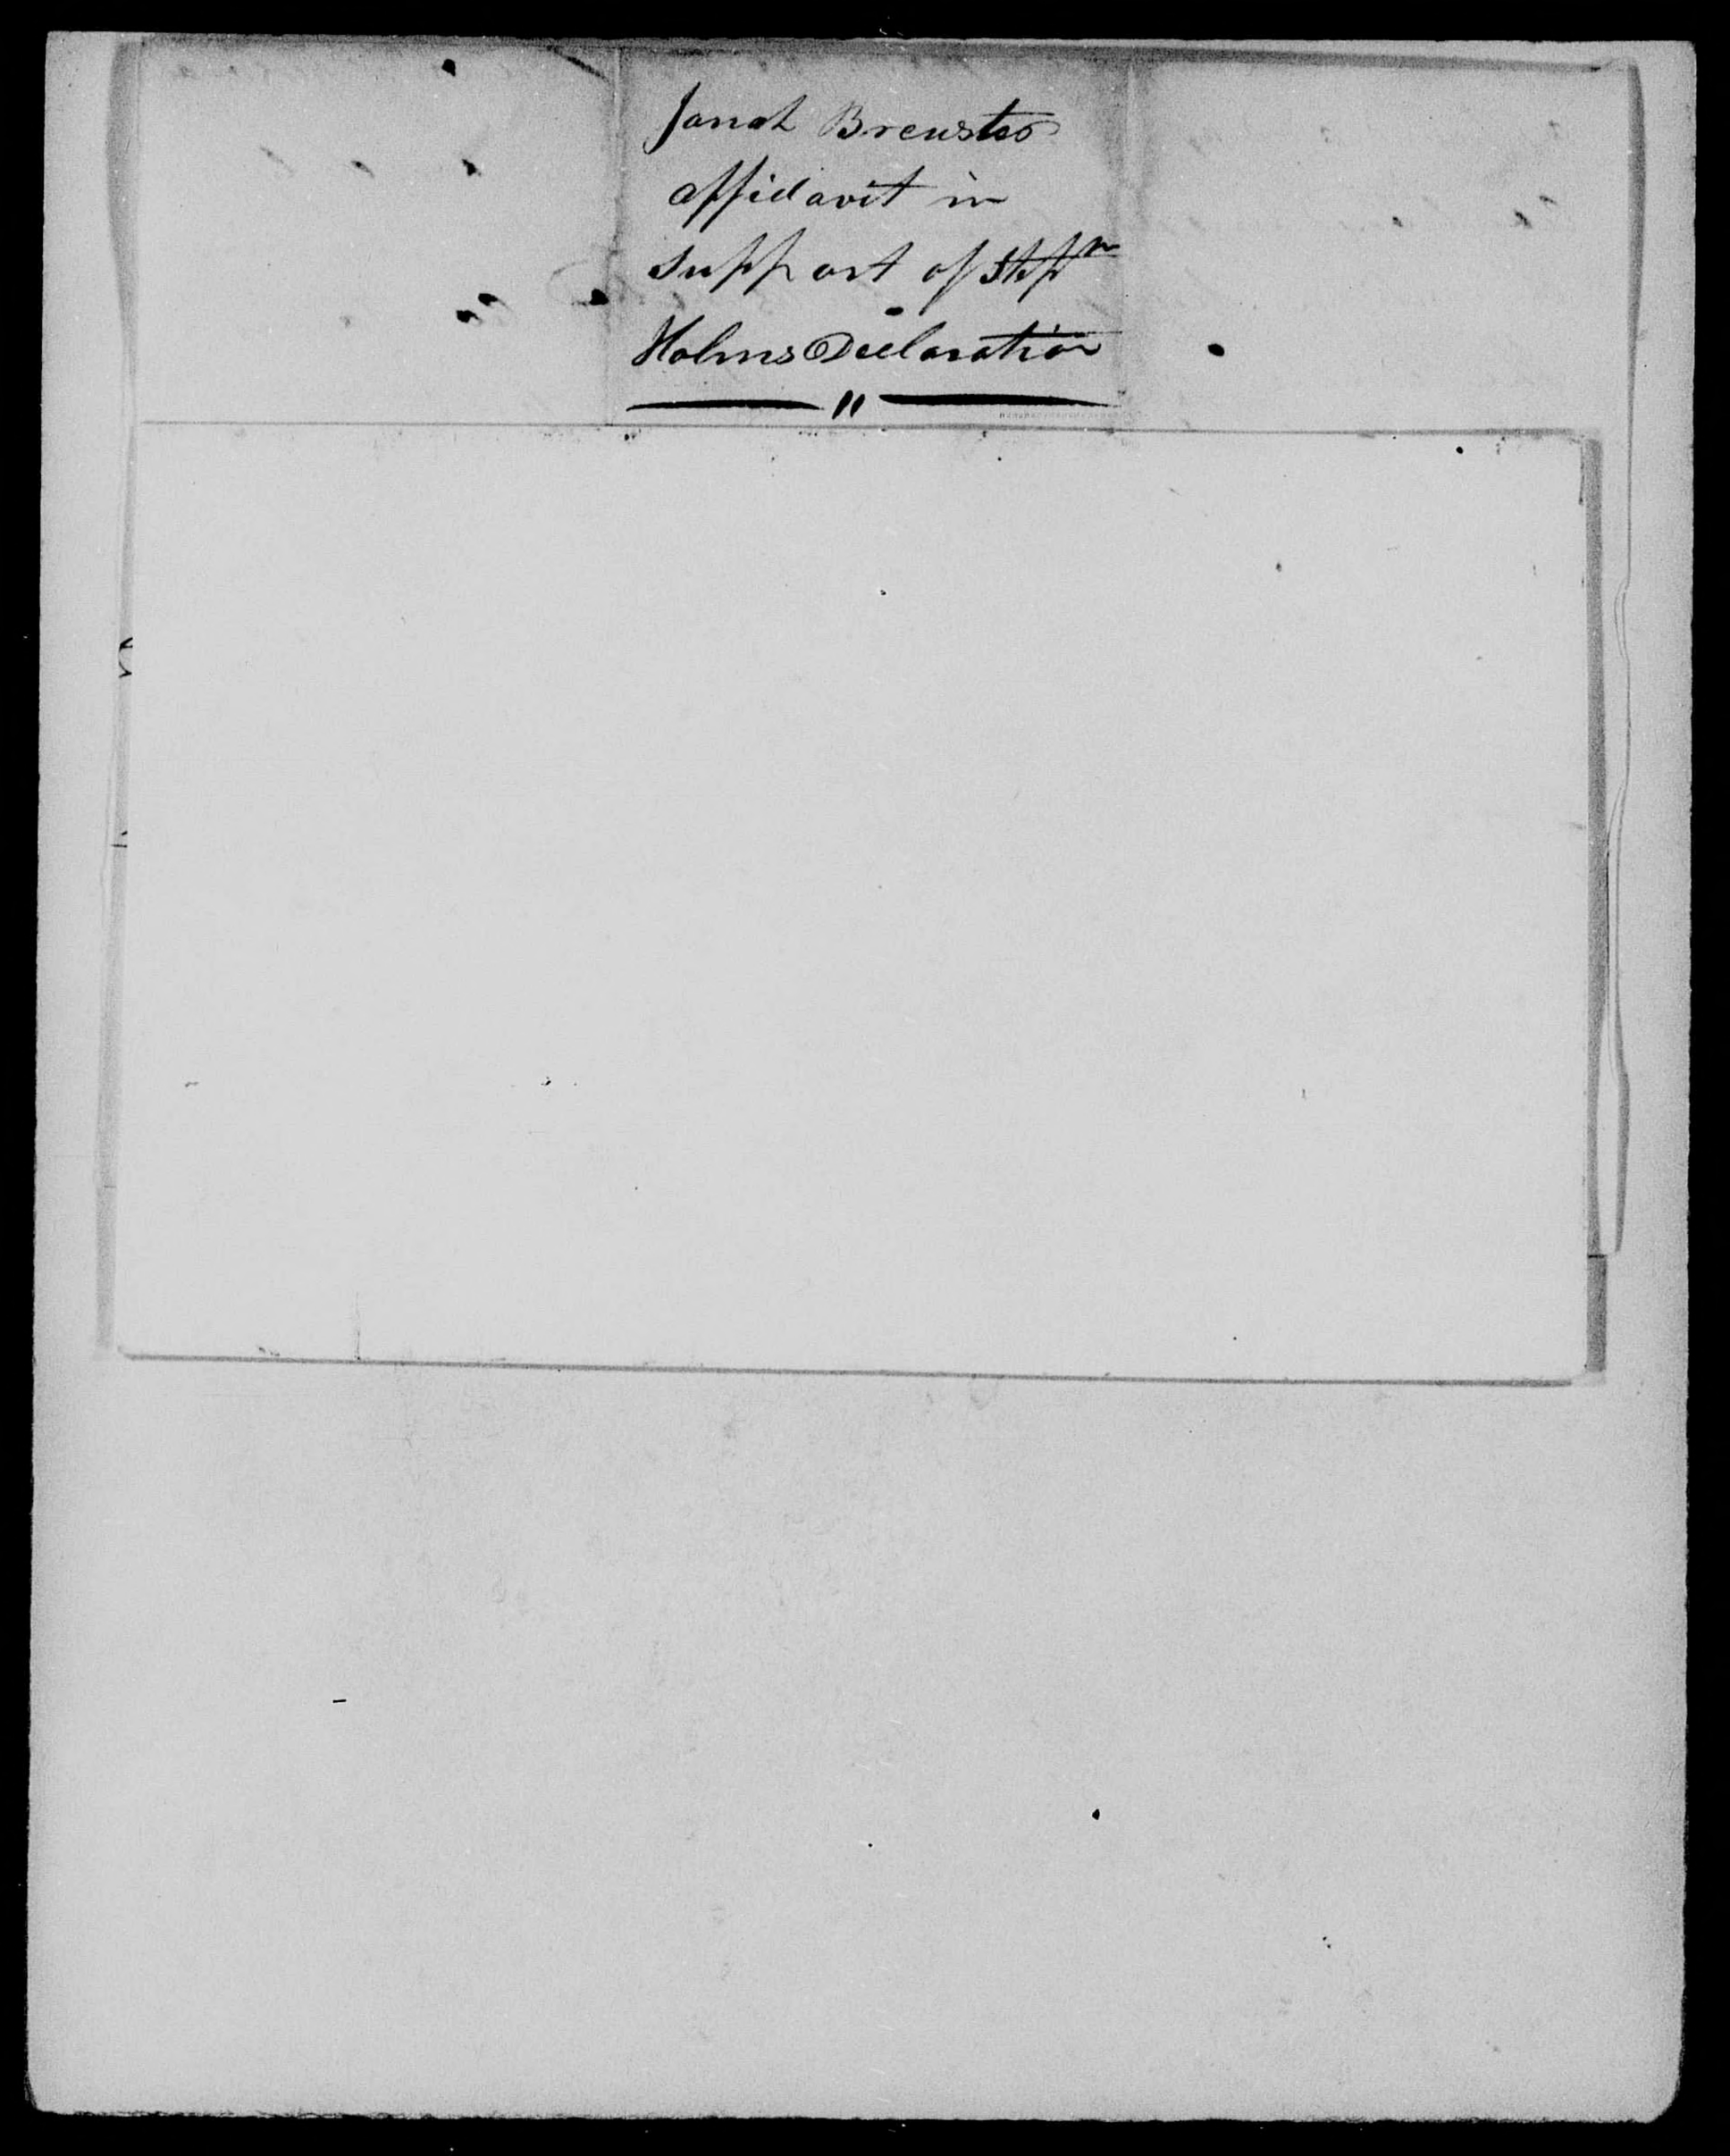Jonah Brewster affidavit in support of Stephen Holmes Declaration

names: Steph Holms, Jonah Brewster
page: 51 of 72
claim: widow's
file: W. 7771, Stephen Holmes, Vt.